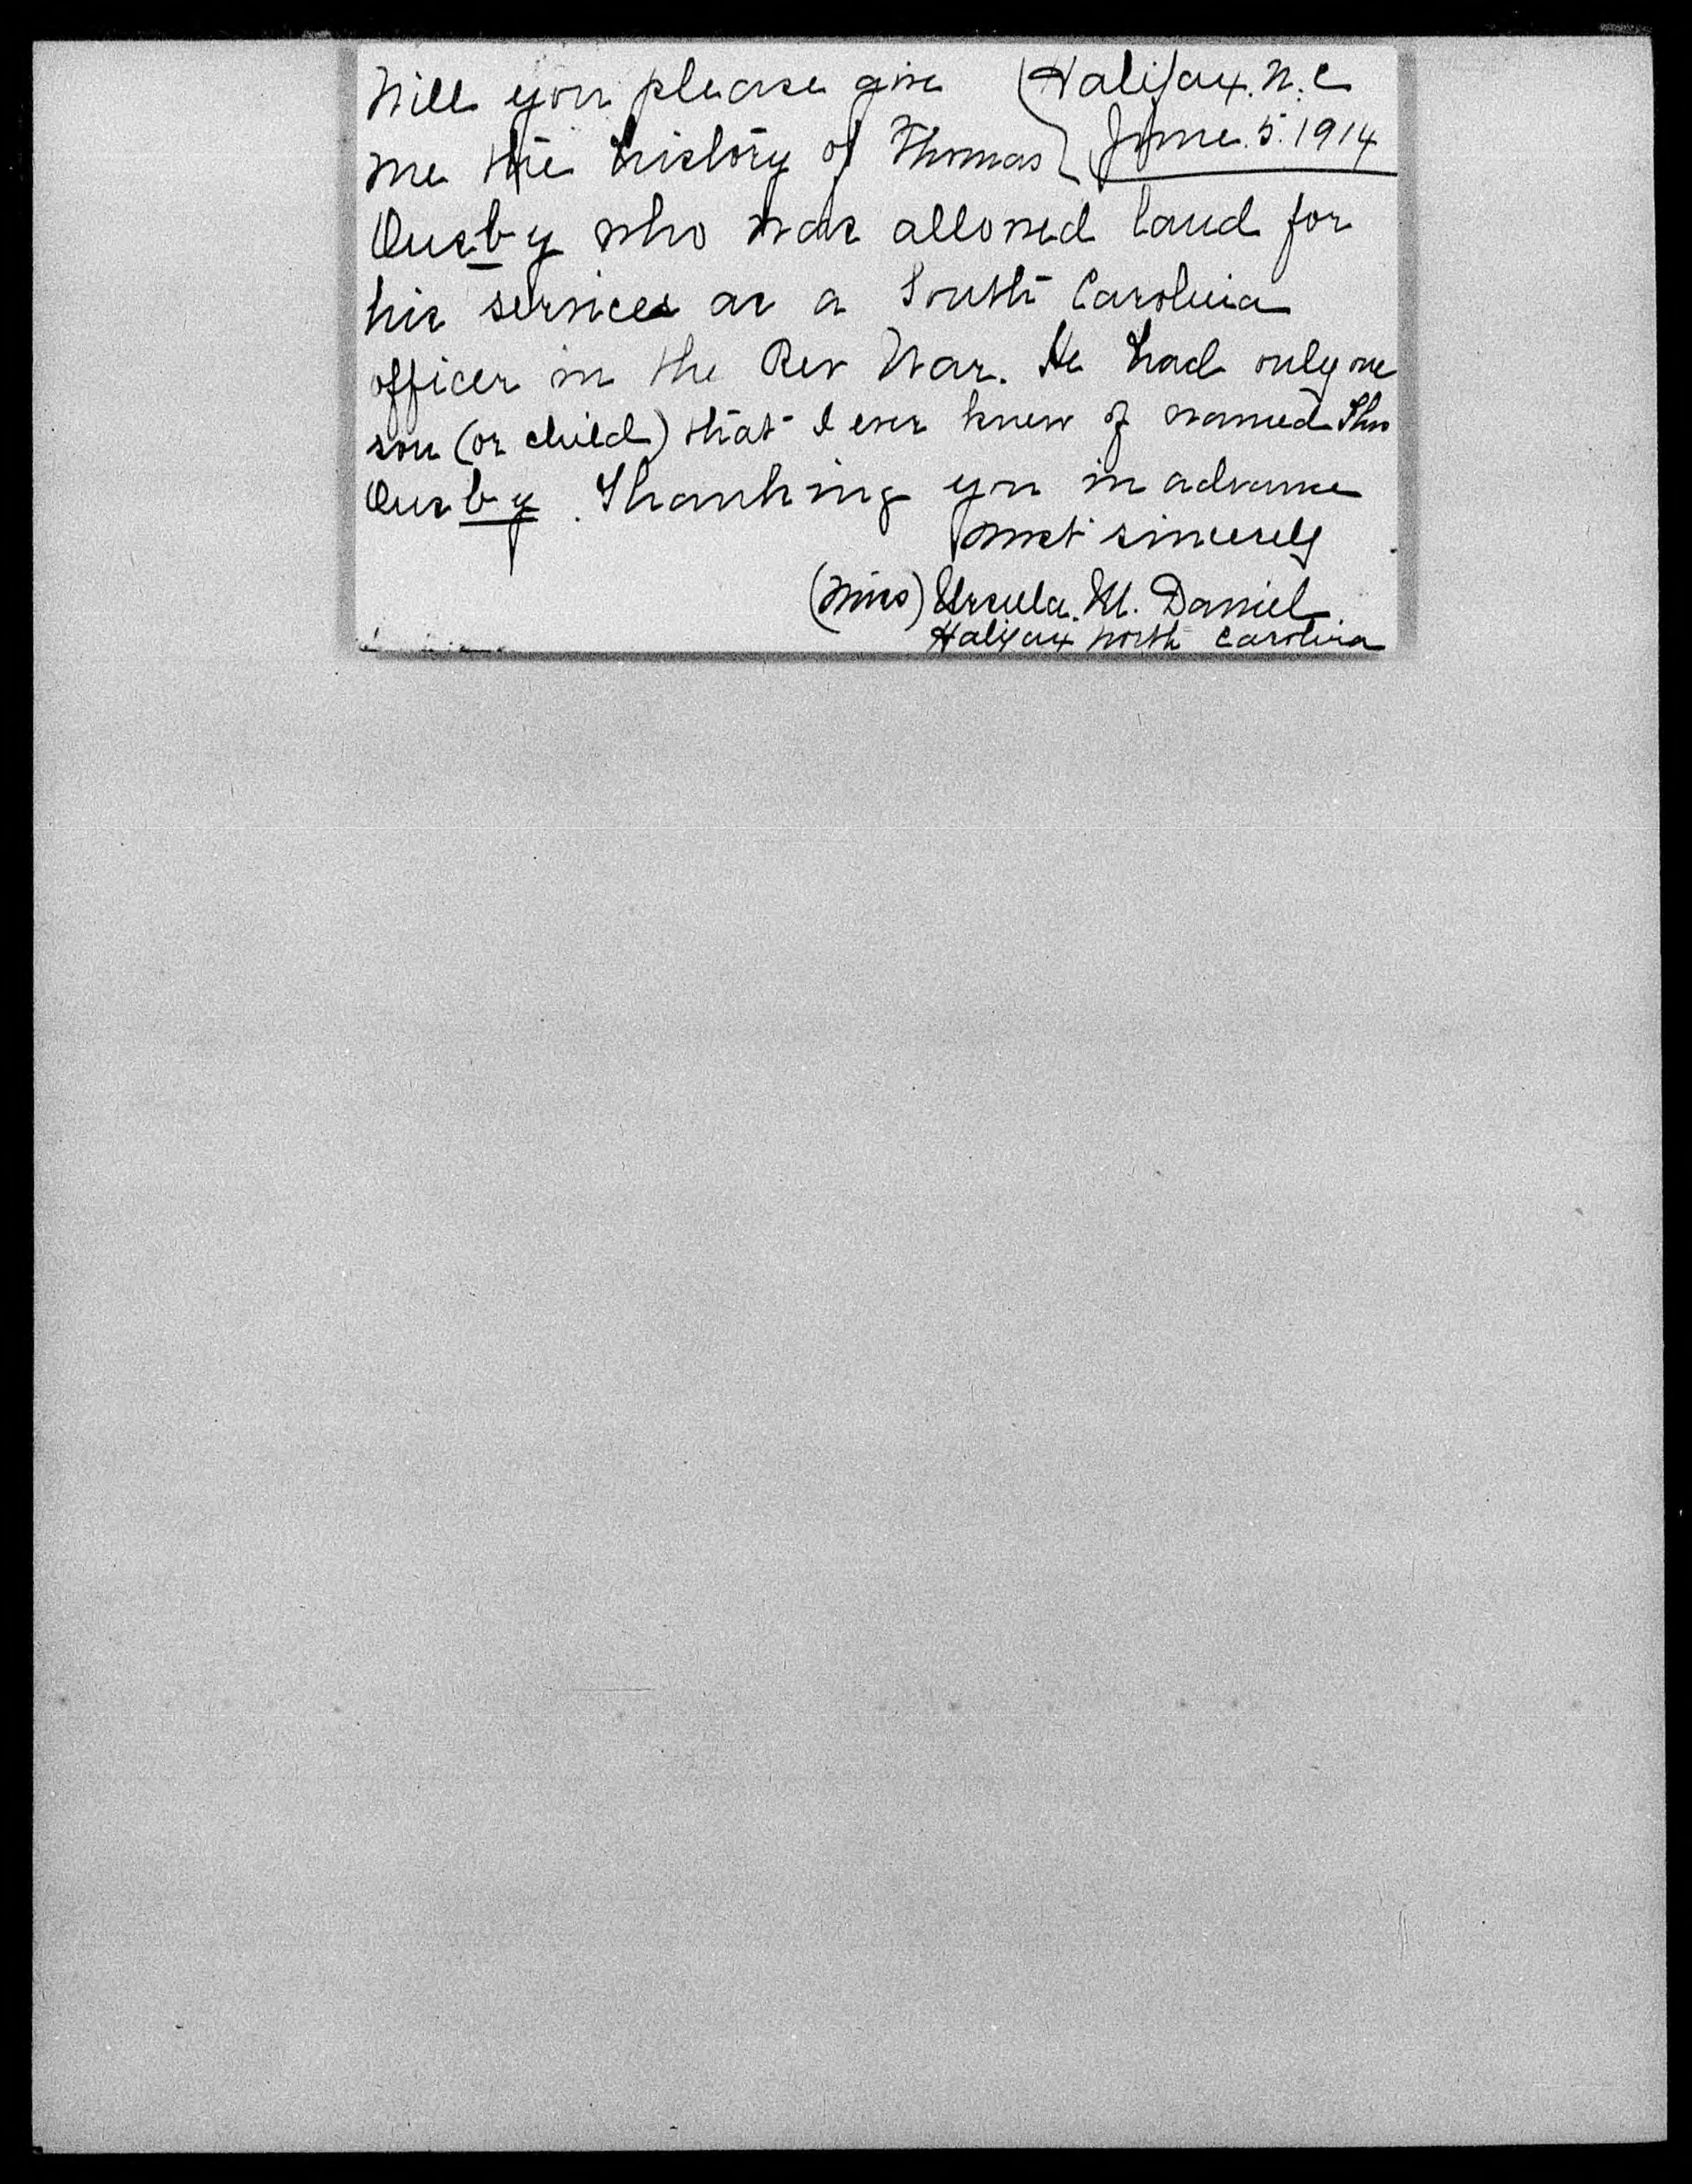Halifax N.C.
June 5 1914

Will you please give me the history of Thomas Ousby who can allowed land for his services or a South-Carolina officer on the Rev. War. He had only one son (or child) that I know of named Thomas Ousby. Thanking you Madrance
[illegible] sincerely
(Mrs) Ursula M. Daniel
Halifax North Carolina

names: Ursula M Daniel; Thomas Ousby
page: 11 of 13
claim: bounty land warrant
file: B. L. Wt. 2455-200, for Thomas Ousby, South Carolina